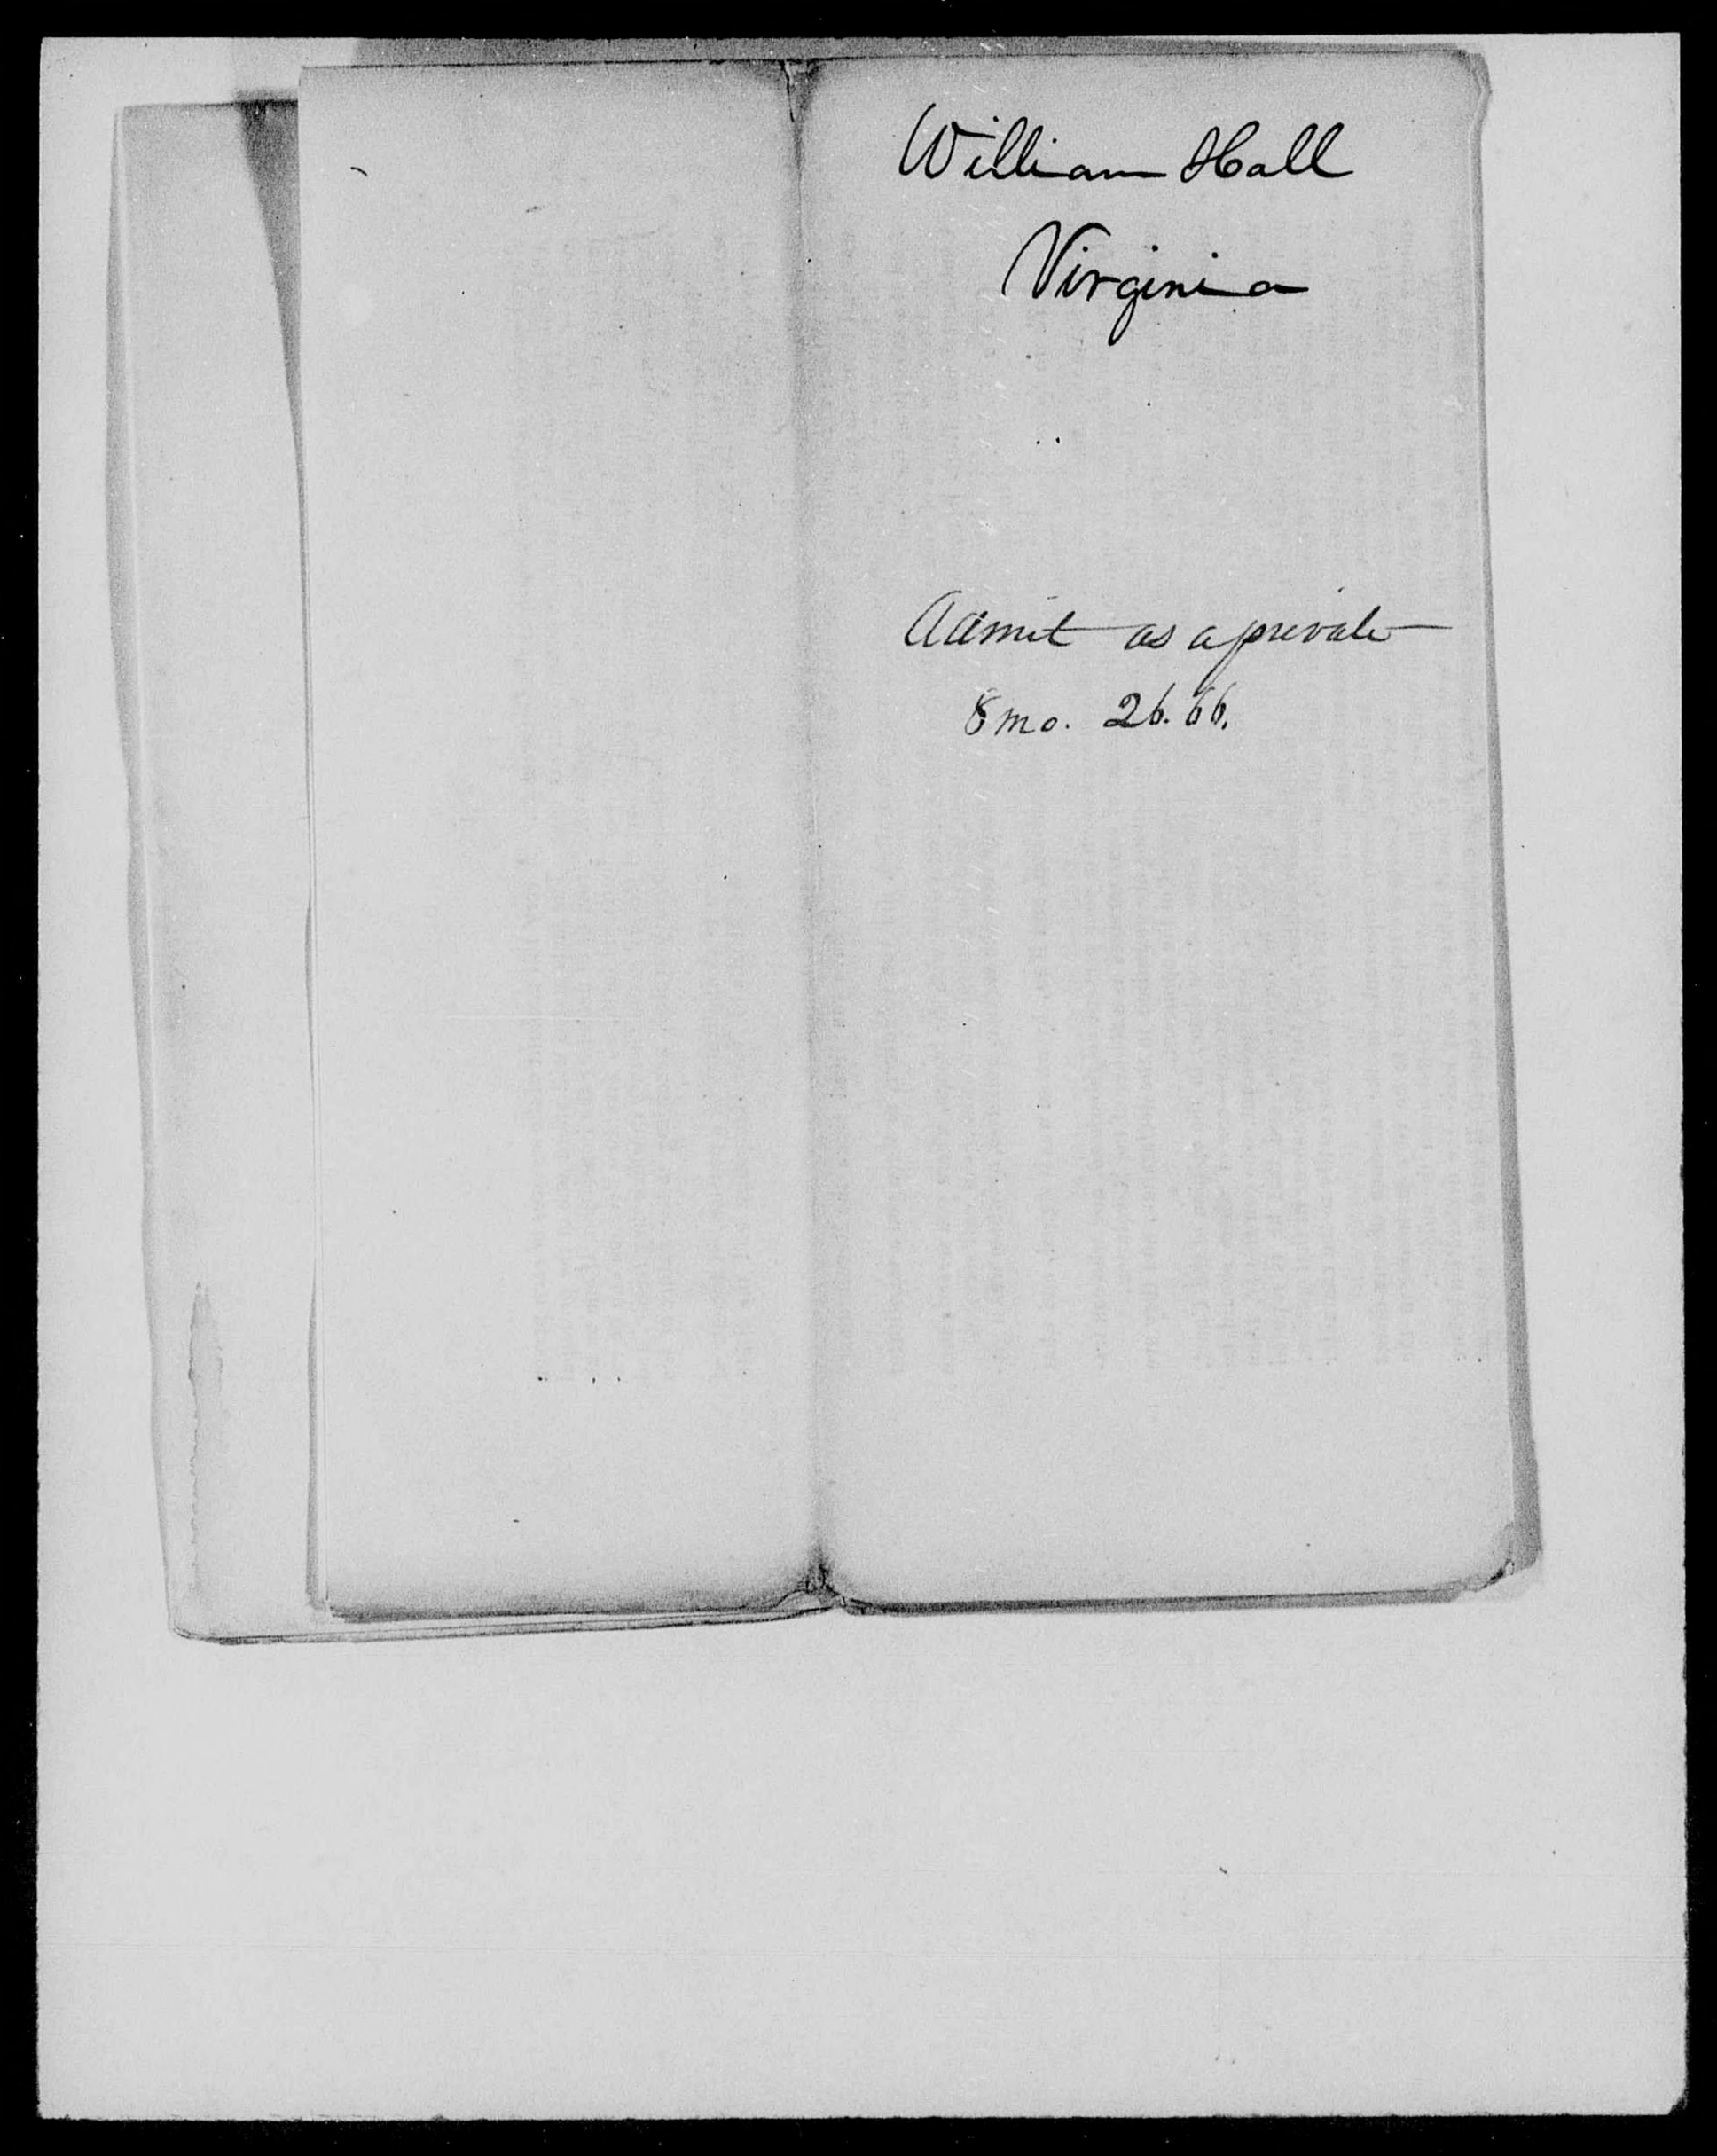William Hall
Virginia

Admit as a private
8 mo. 26.66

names: William Hall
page: 7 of 15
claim: survivor's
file: S. 5475, William Hall, Va.